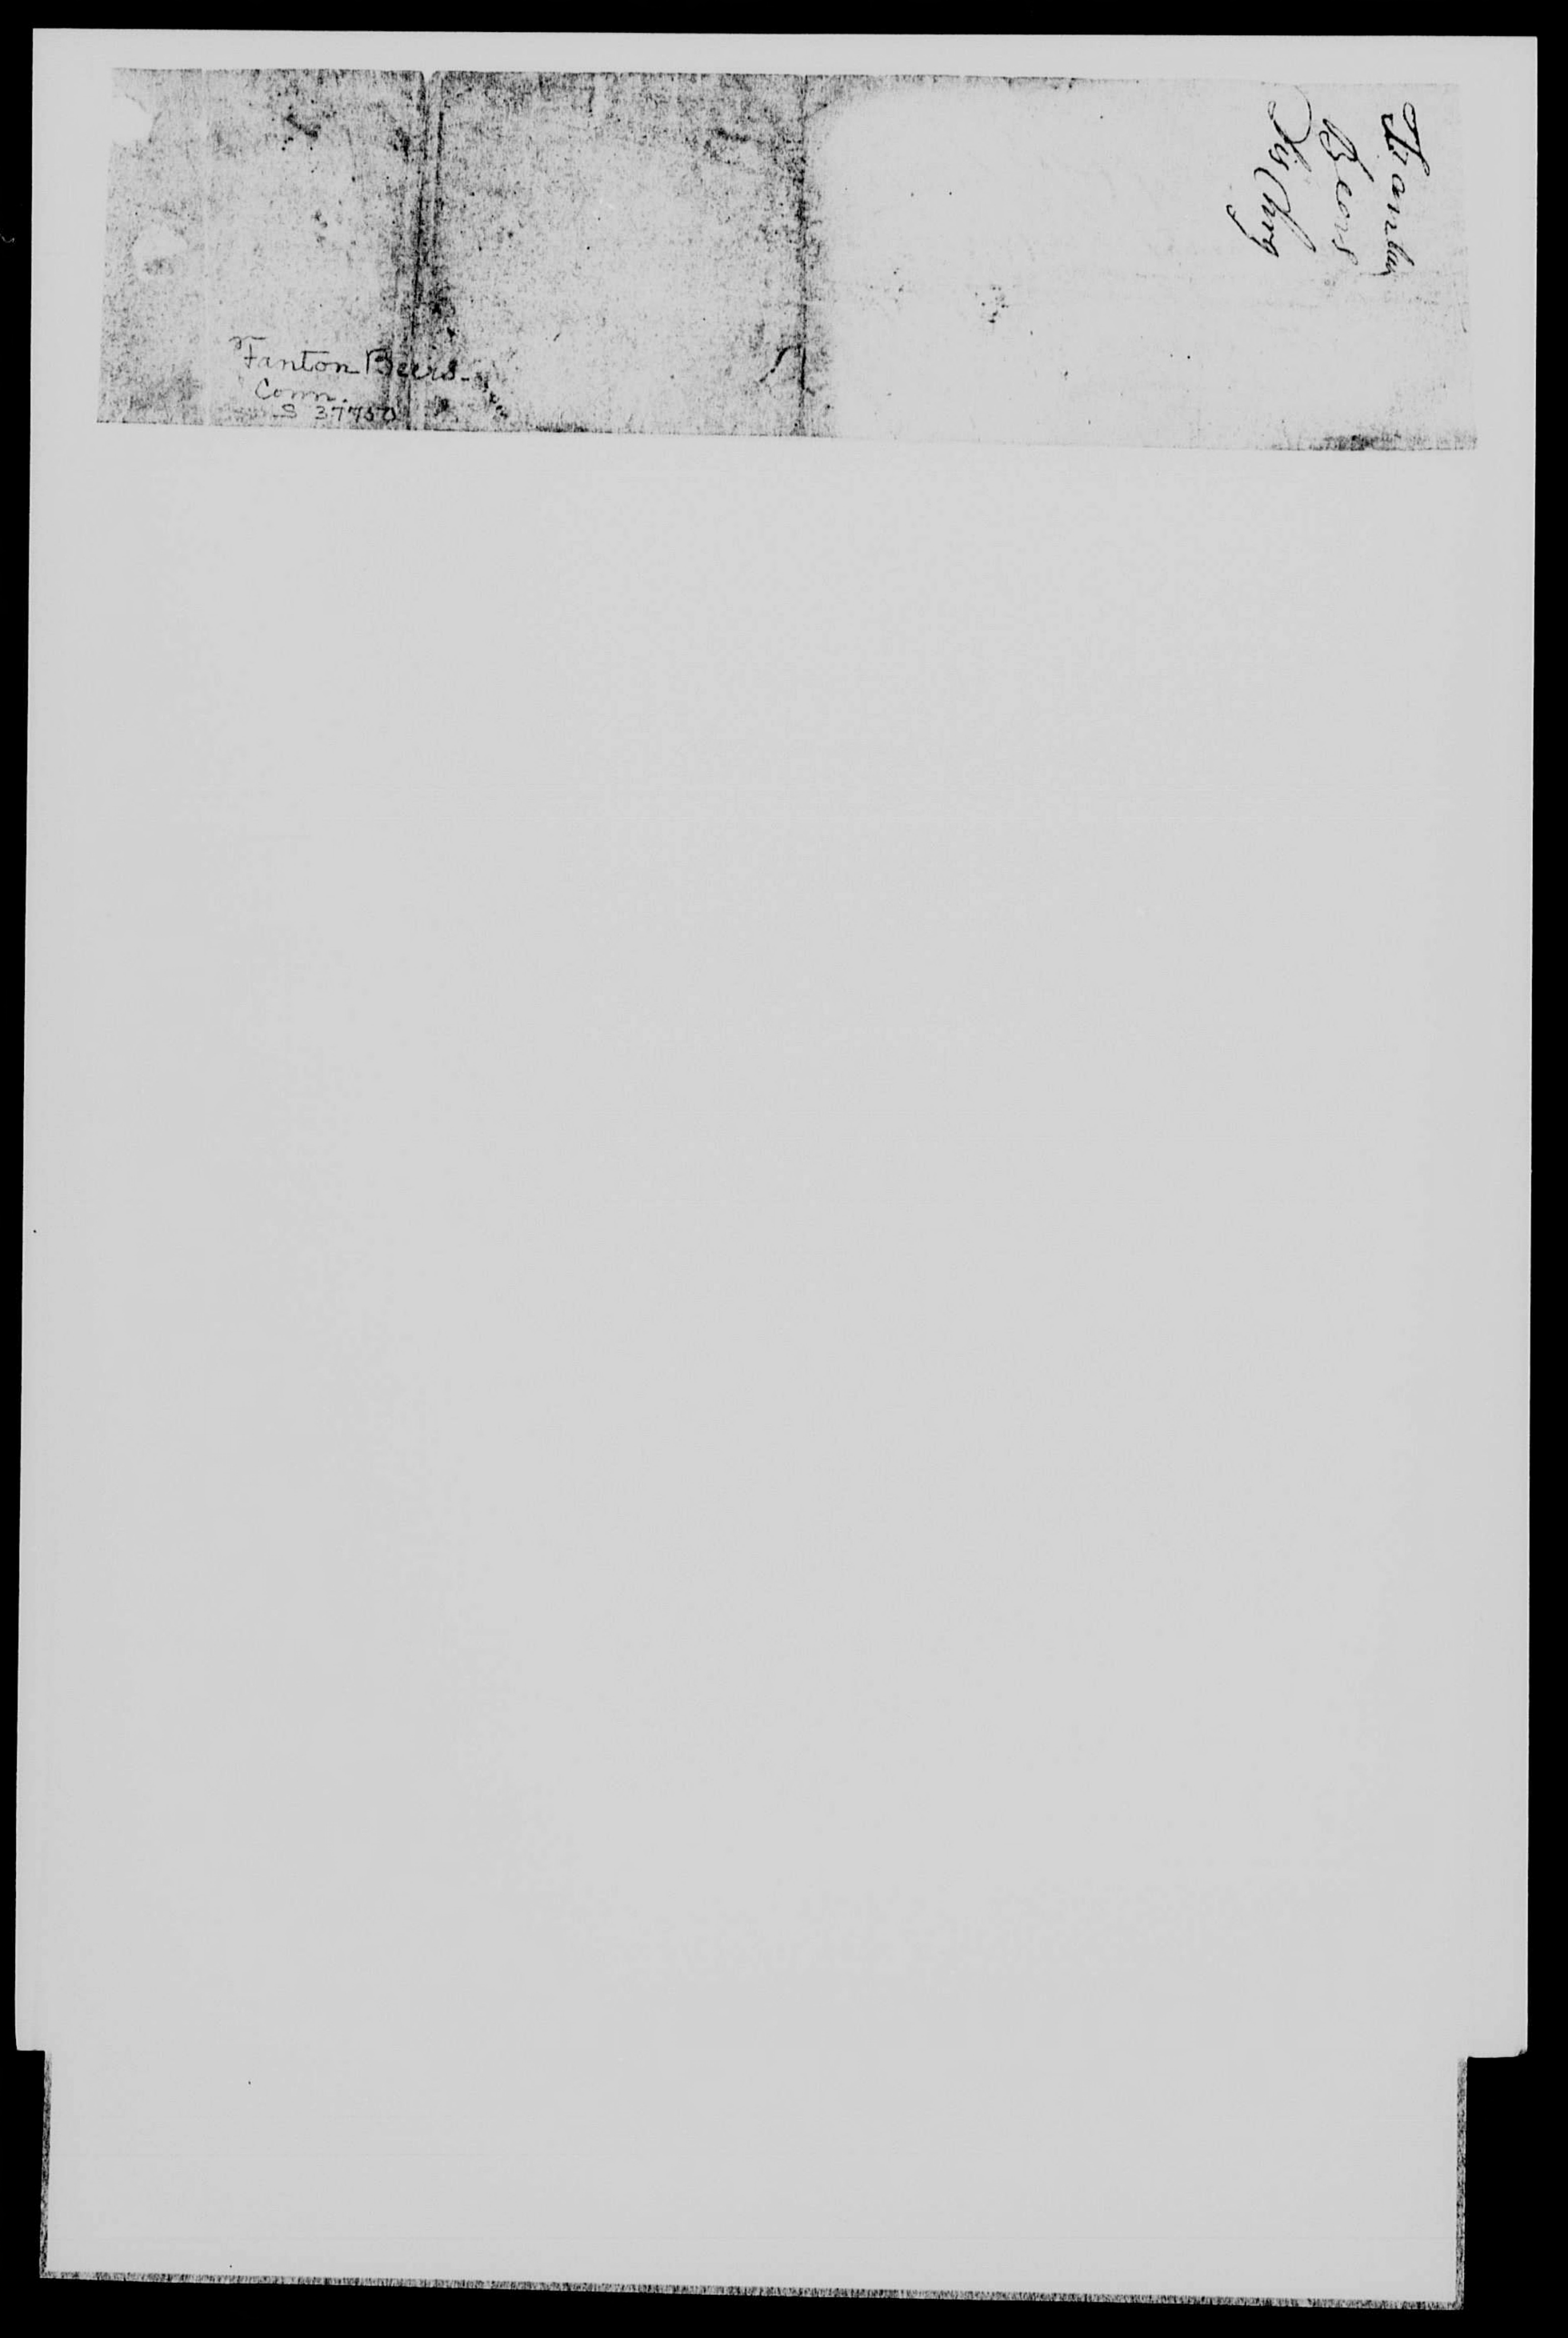Fanton Beers
Com.
S 37750


*Right side sideways text *

Fanton Beers 
Discharg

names: Fanton Beers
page: 10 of 23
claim: survivor's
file: S. 37,750, Fanton Beers, Conn.